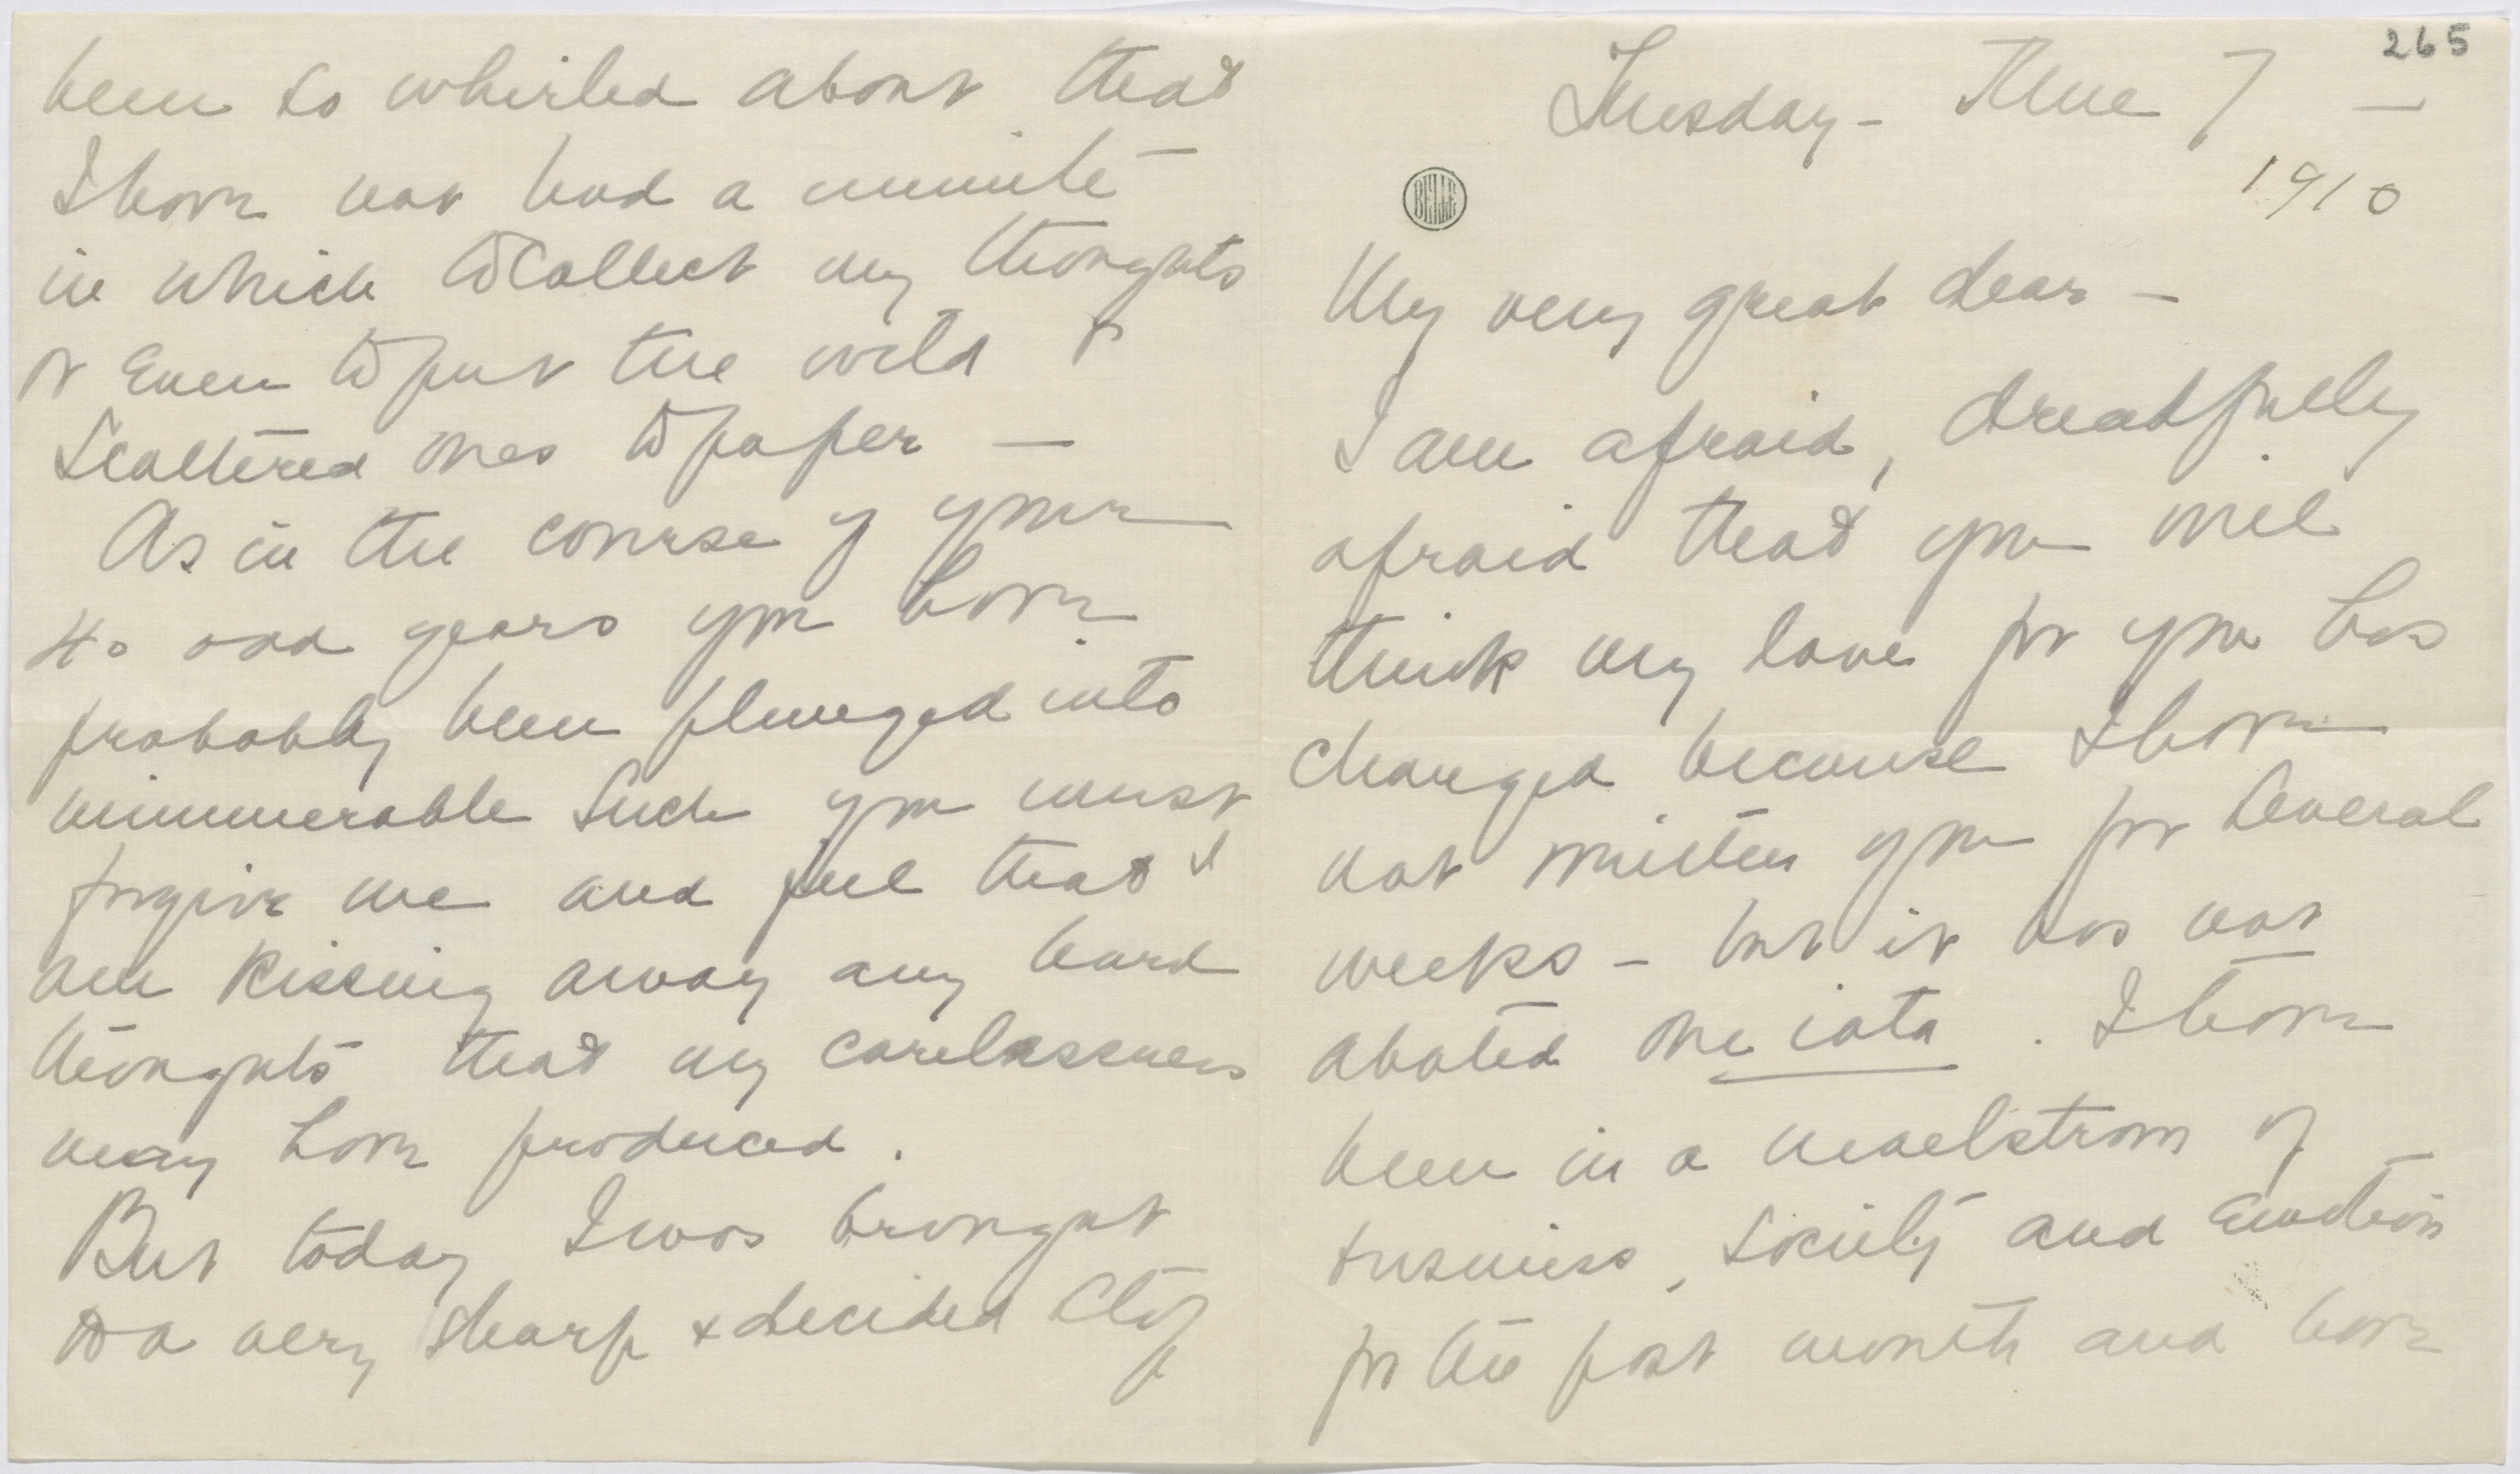Tuesday – June 7 –
My very great dear –
I am afraid, dreadfully afraid that you will think my love for you has changed because I have not written you for several weeks – but it has not abated one iota. I have been in a maelstrom of business, society and emotion for the past month and have
been so whirled about that I have not had a minute in which to collect my thoughts or even to put the wild & scattered ones to paper –
As in the course of your 40 odd years you have probably been plunged into innumerable such you must forgive me and feel that I am kissing away any hard thoughts that my carelessness may have produced.
But today I was brought to a very sharp & decided stop